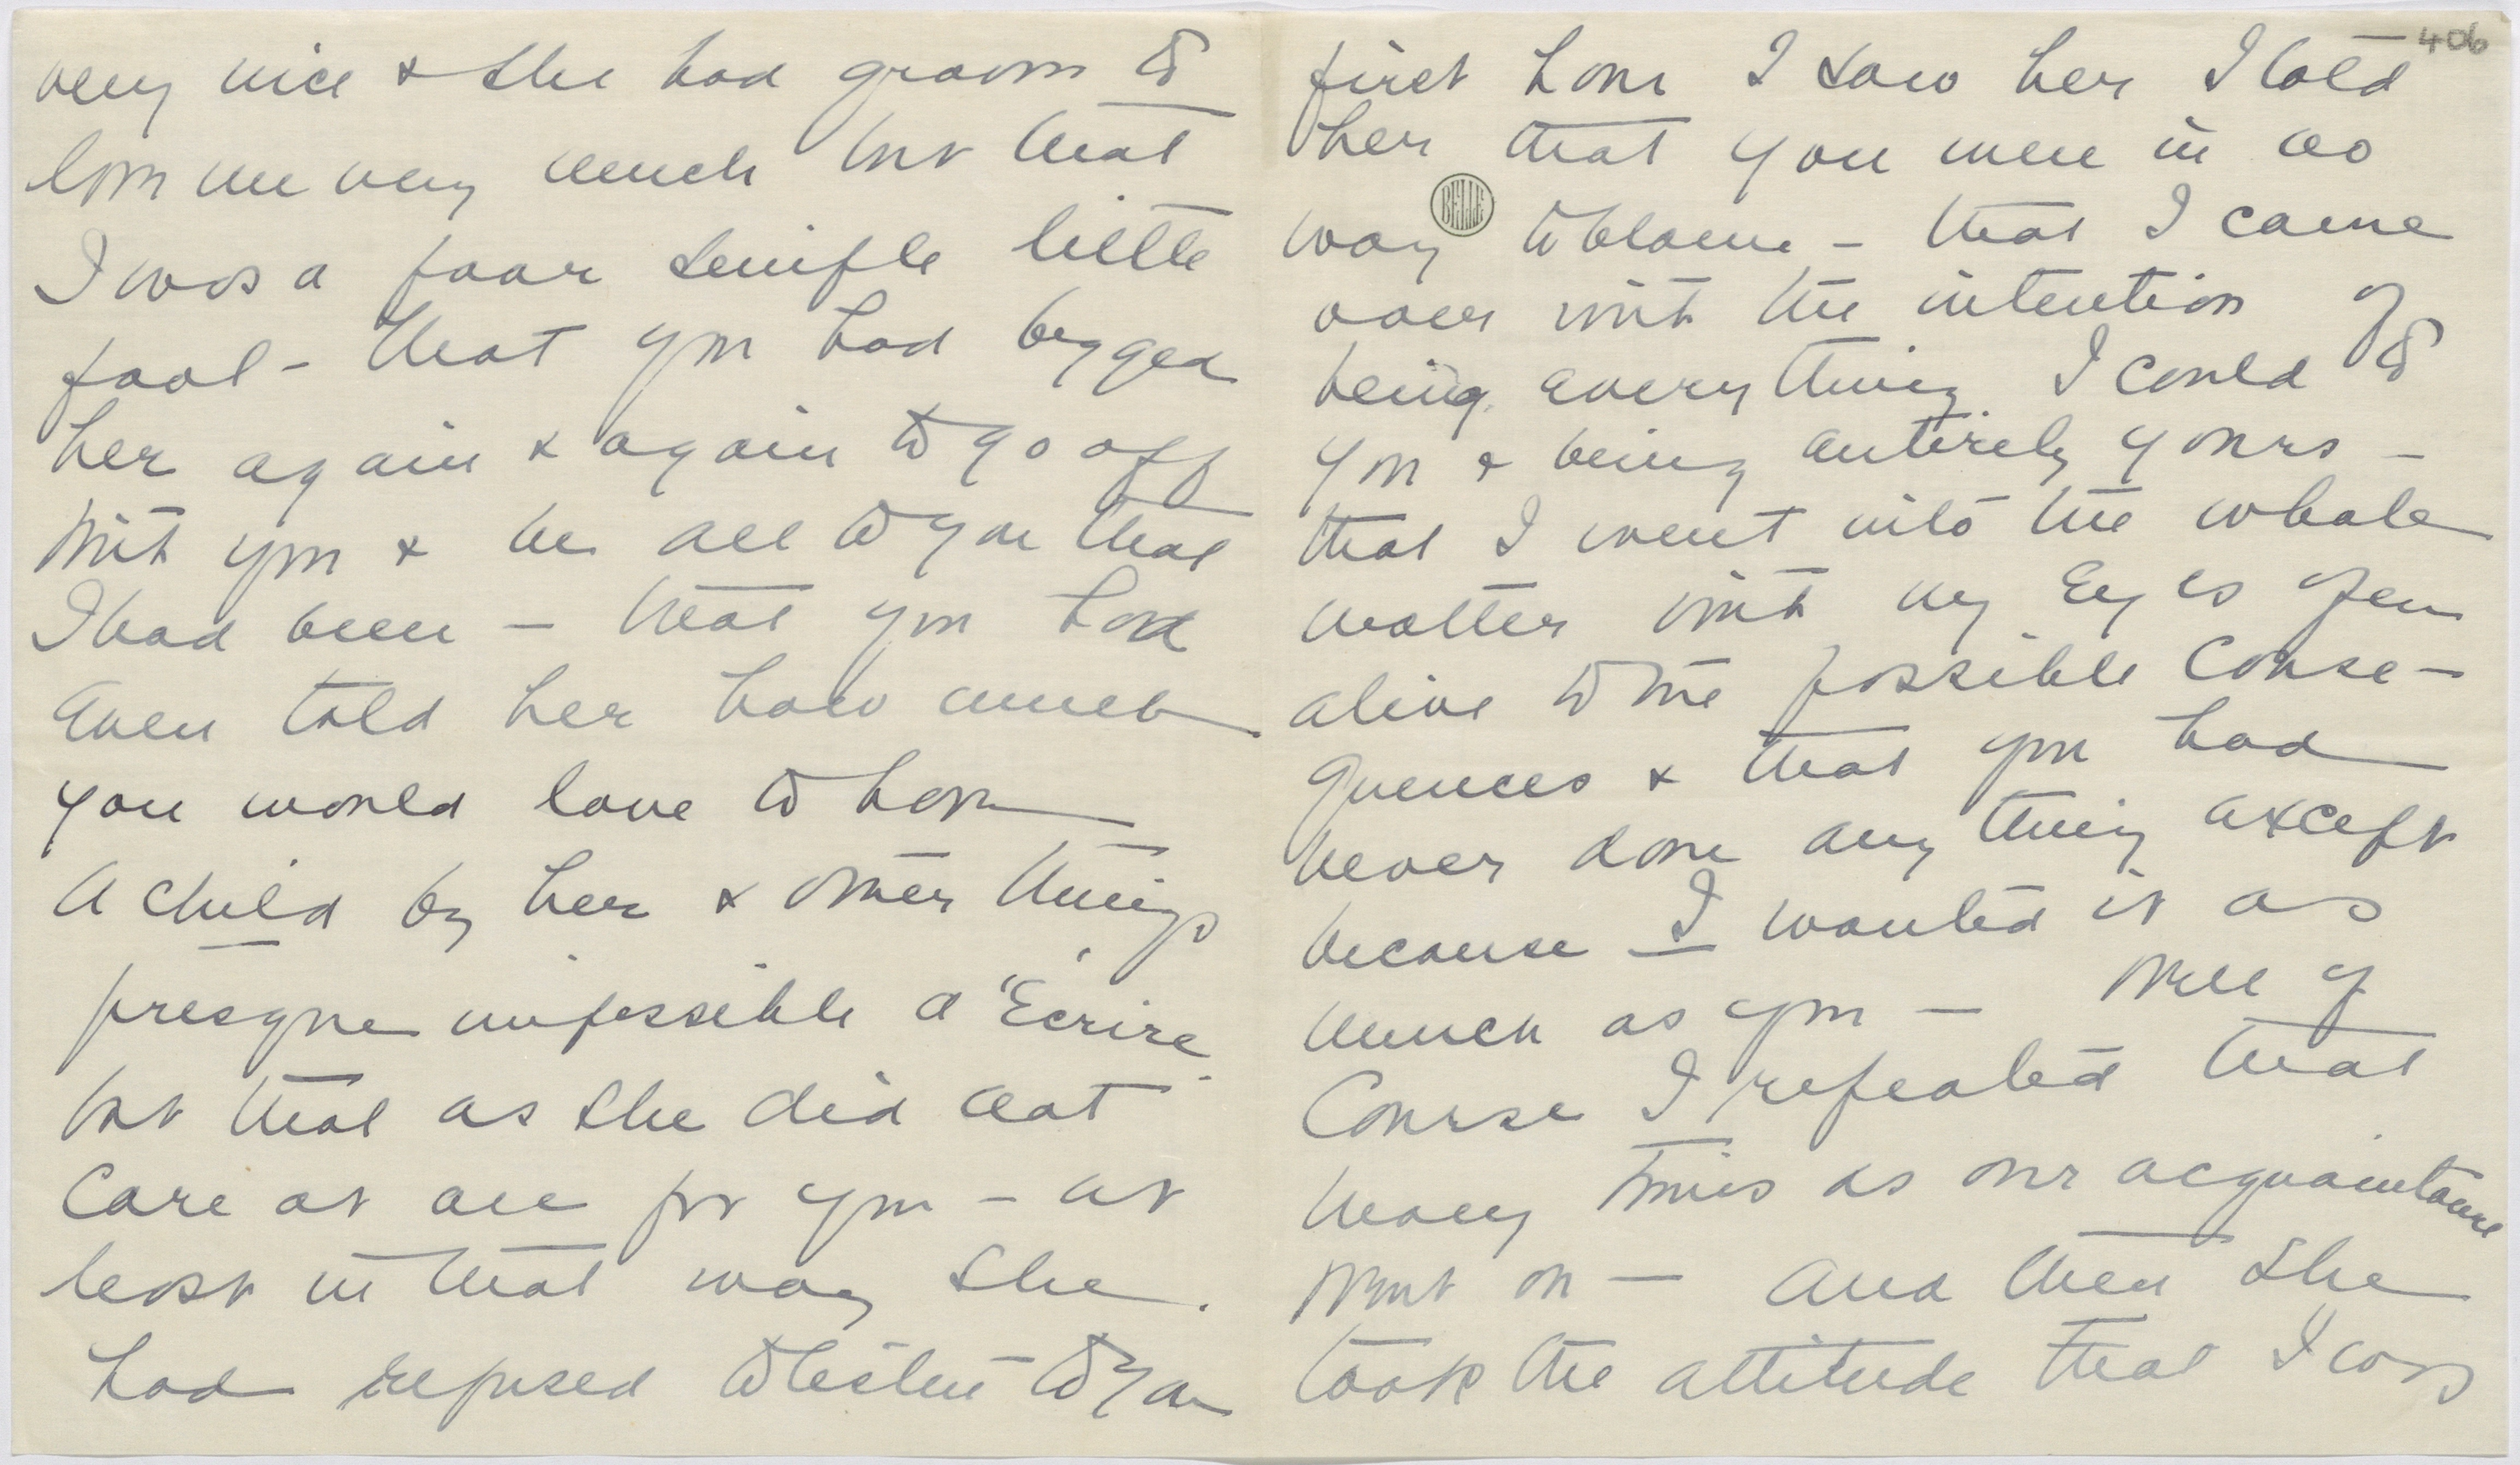first hour I saw her I told her that you were in no way to blame – that I came over with the intention of being every thing I could to you & being entirely yours – that I went into the whole matter with my eyes open alive to the possible consequences & that you had never done any thing except because I wanted it as much as you – Well of course I repeated that many times as our acquaintance went on – and then she took the attitude that I was
very nice & she had grown to love me very much but that I was a poor simple little fool – that you had begged her again & again to go off with you & be all to you that I had been – that you had even told her how much you would love to have a child by her & other things presque impossible à écrire, but that as she did not care at all for you – at least in that way she had refused to listen to you